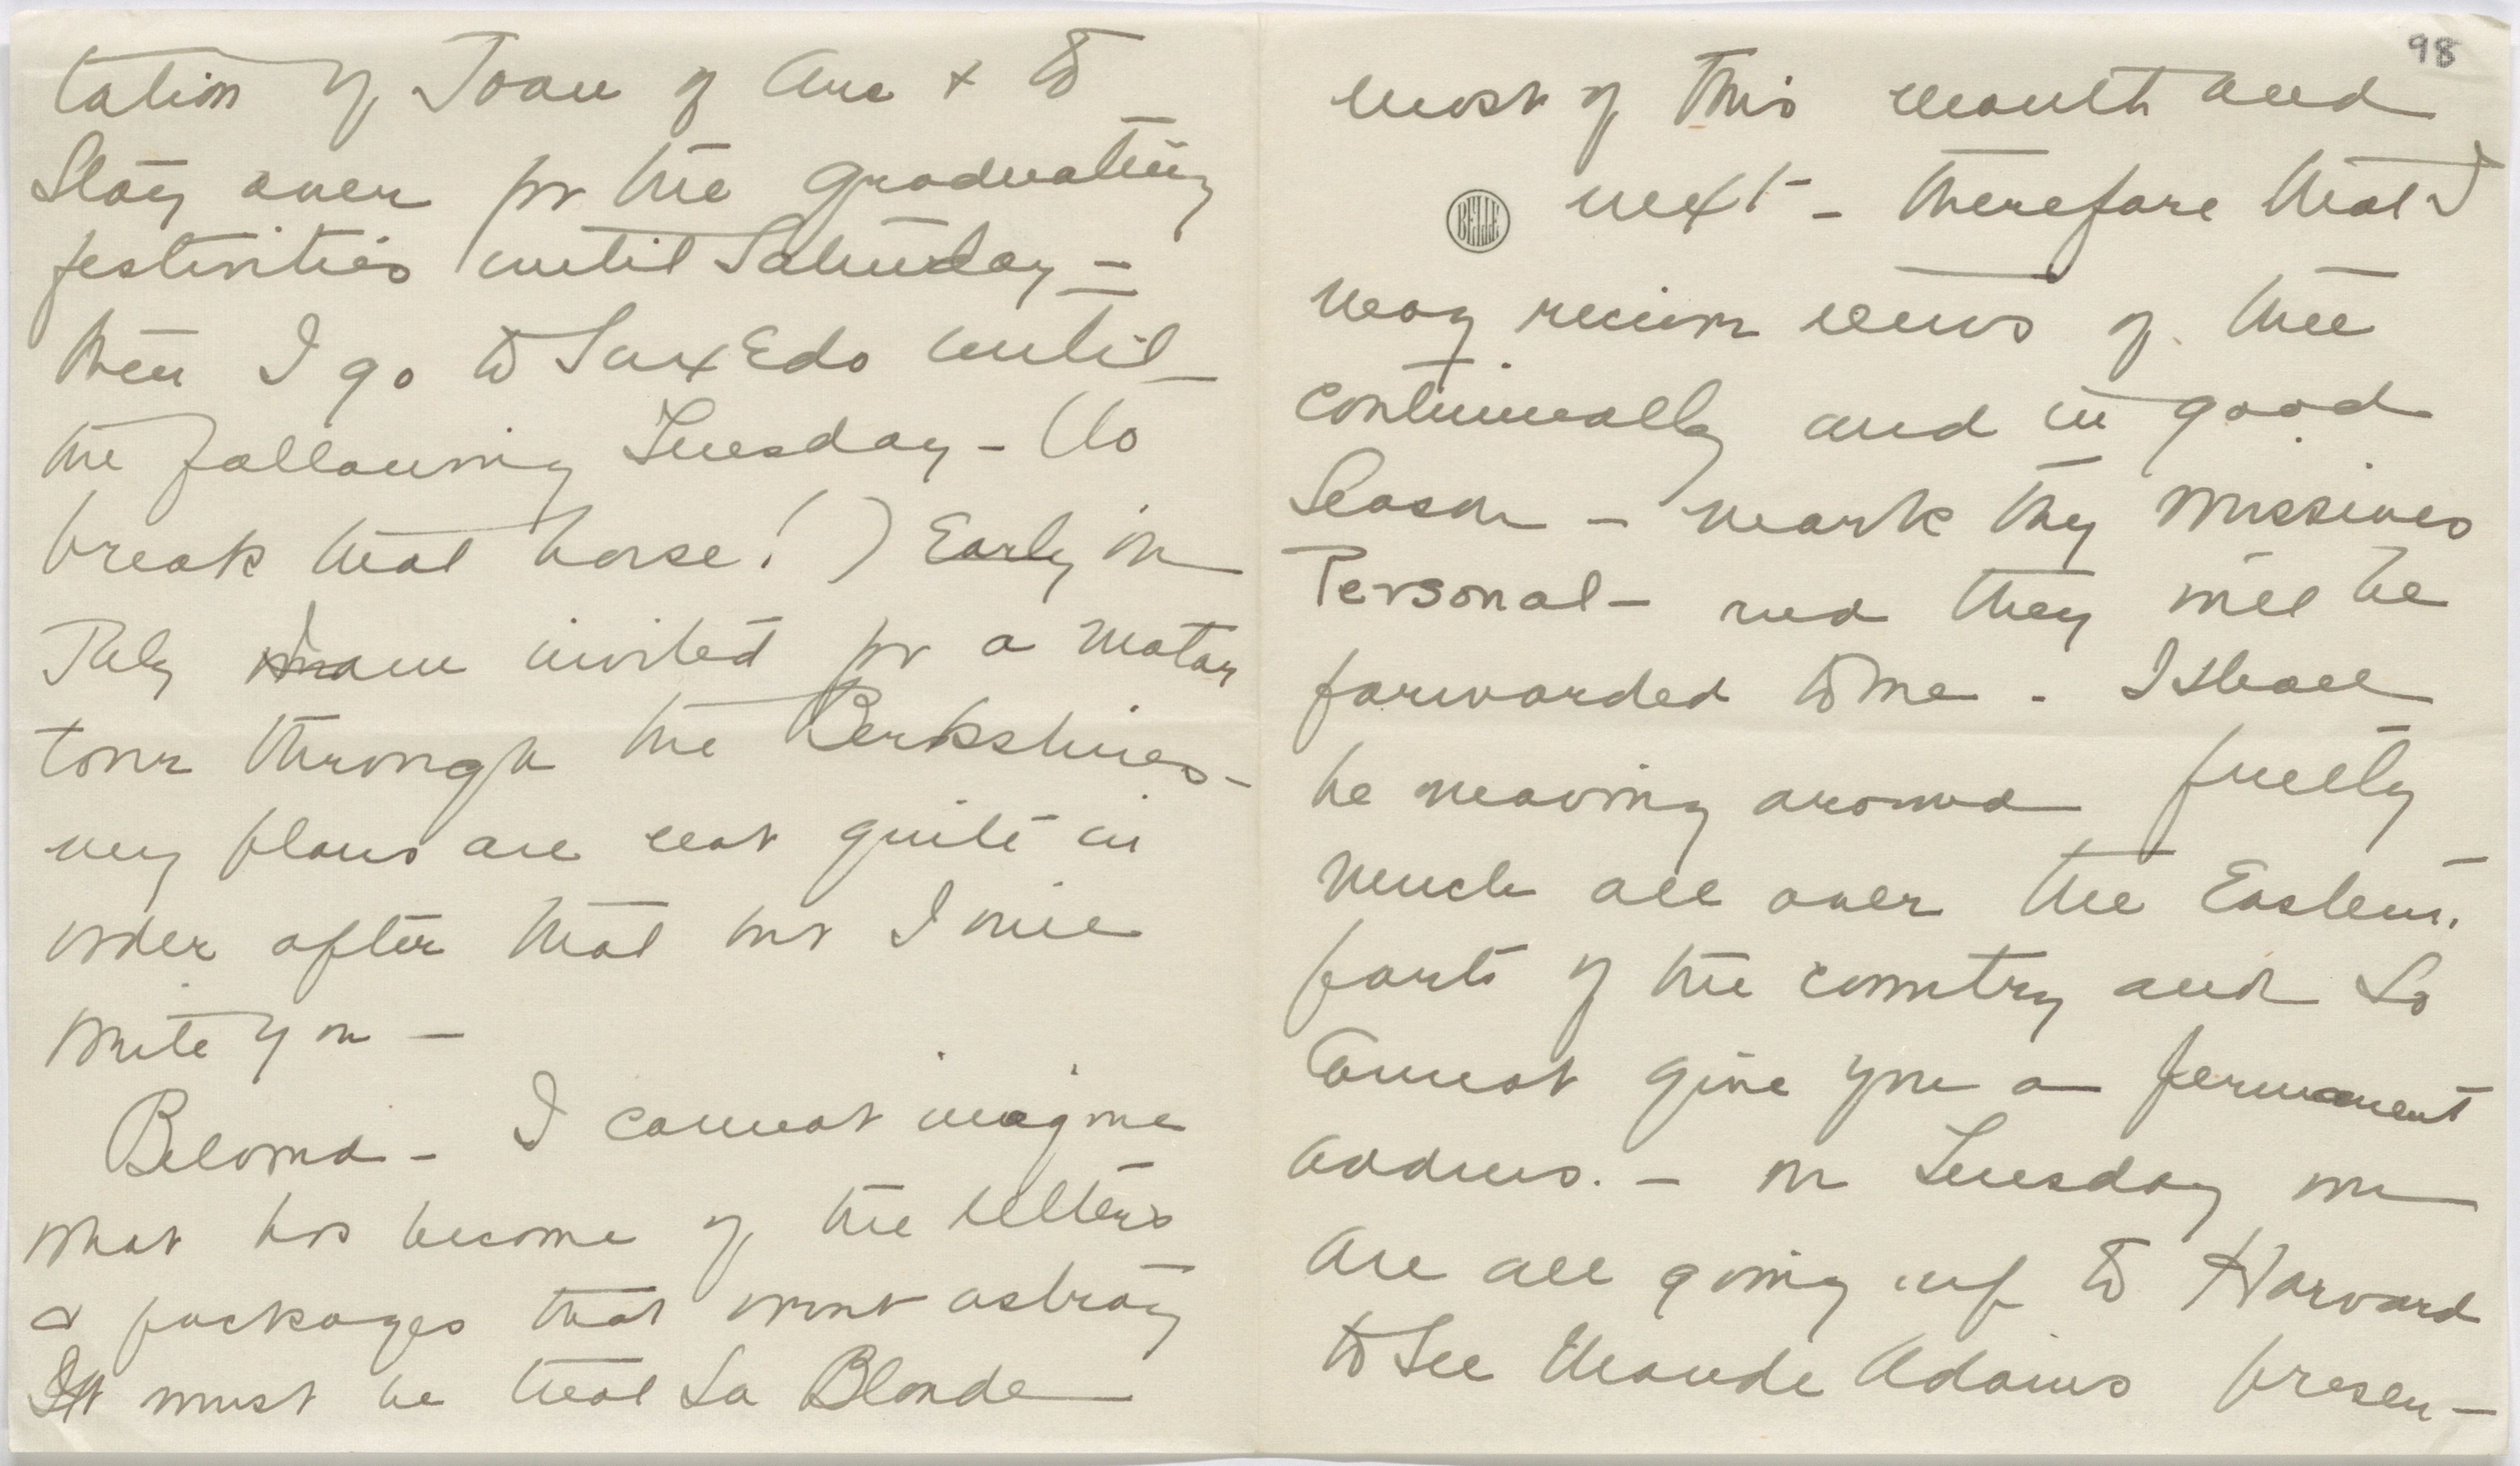most of this month and next – therefore that I may receive news of thee continually and in good season – mark thy missives [in secretarial script: Personal] – and they will be forwarded to me – I shall be moving around pretty much all over the Eastern parts of the country and so cannot give you a permanent address. – on Tuesday we are all going up to Harvard to see Maude Adams presentation
of Joan of Arc & to stay over for the graduating festivities until Saturday – then I go to Tuxedo until the following Tuesday – (to break that horse!) Early in July weI am invited for a motor tour through the Berkshires – my plans are not quite in order after that but I will write you –
Beloved – I cannot imagine what has become of the letters & packages that went astray
It must be that La Blonde